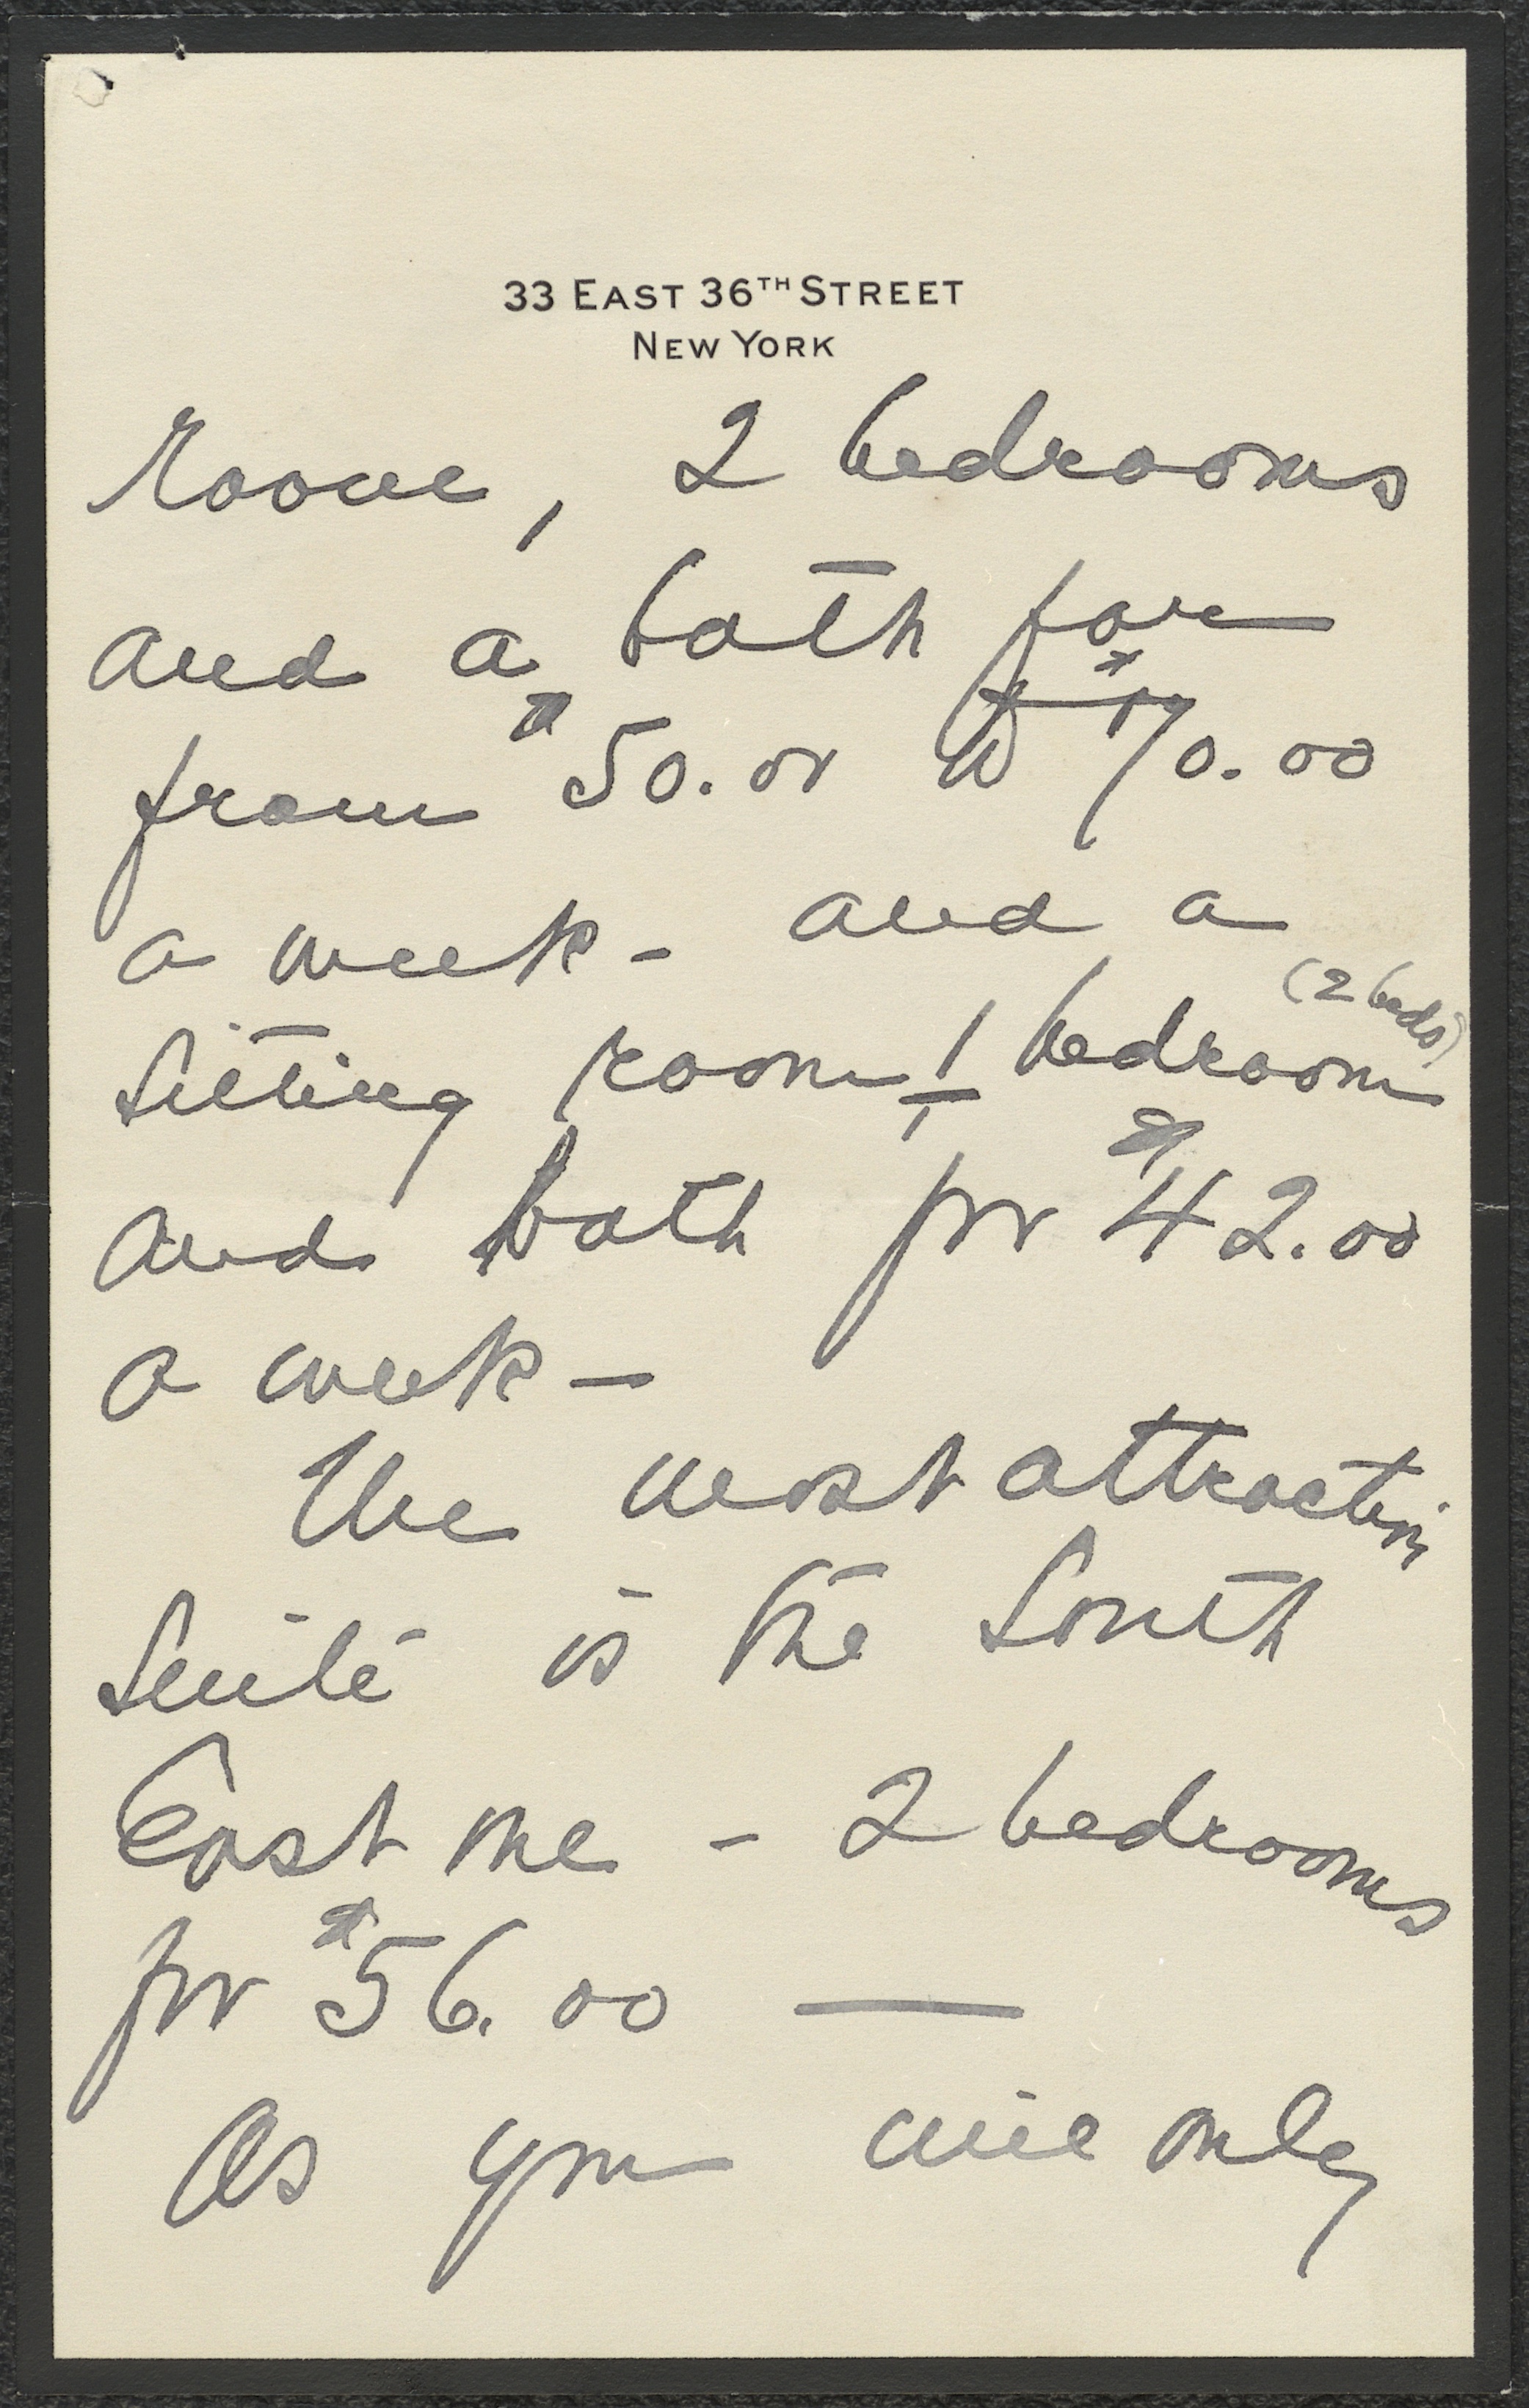room, 2 bedrooms and a bath far from $50.00 to $70.00 a week – and a sitting room, 1 bedroom [^(2 beds)^] and bath for $42.00 a week –
The most attractive suite is the South East one – 2 bedrooms for $56.00 –
As you will only